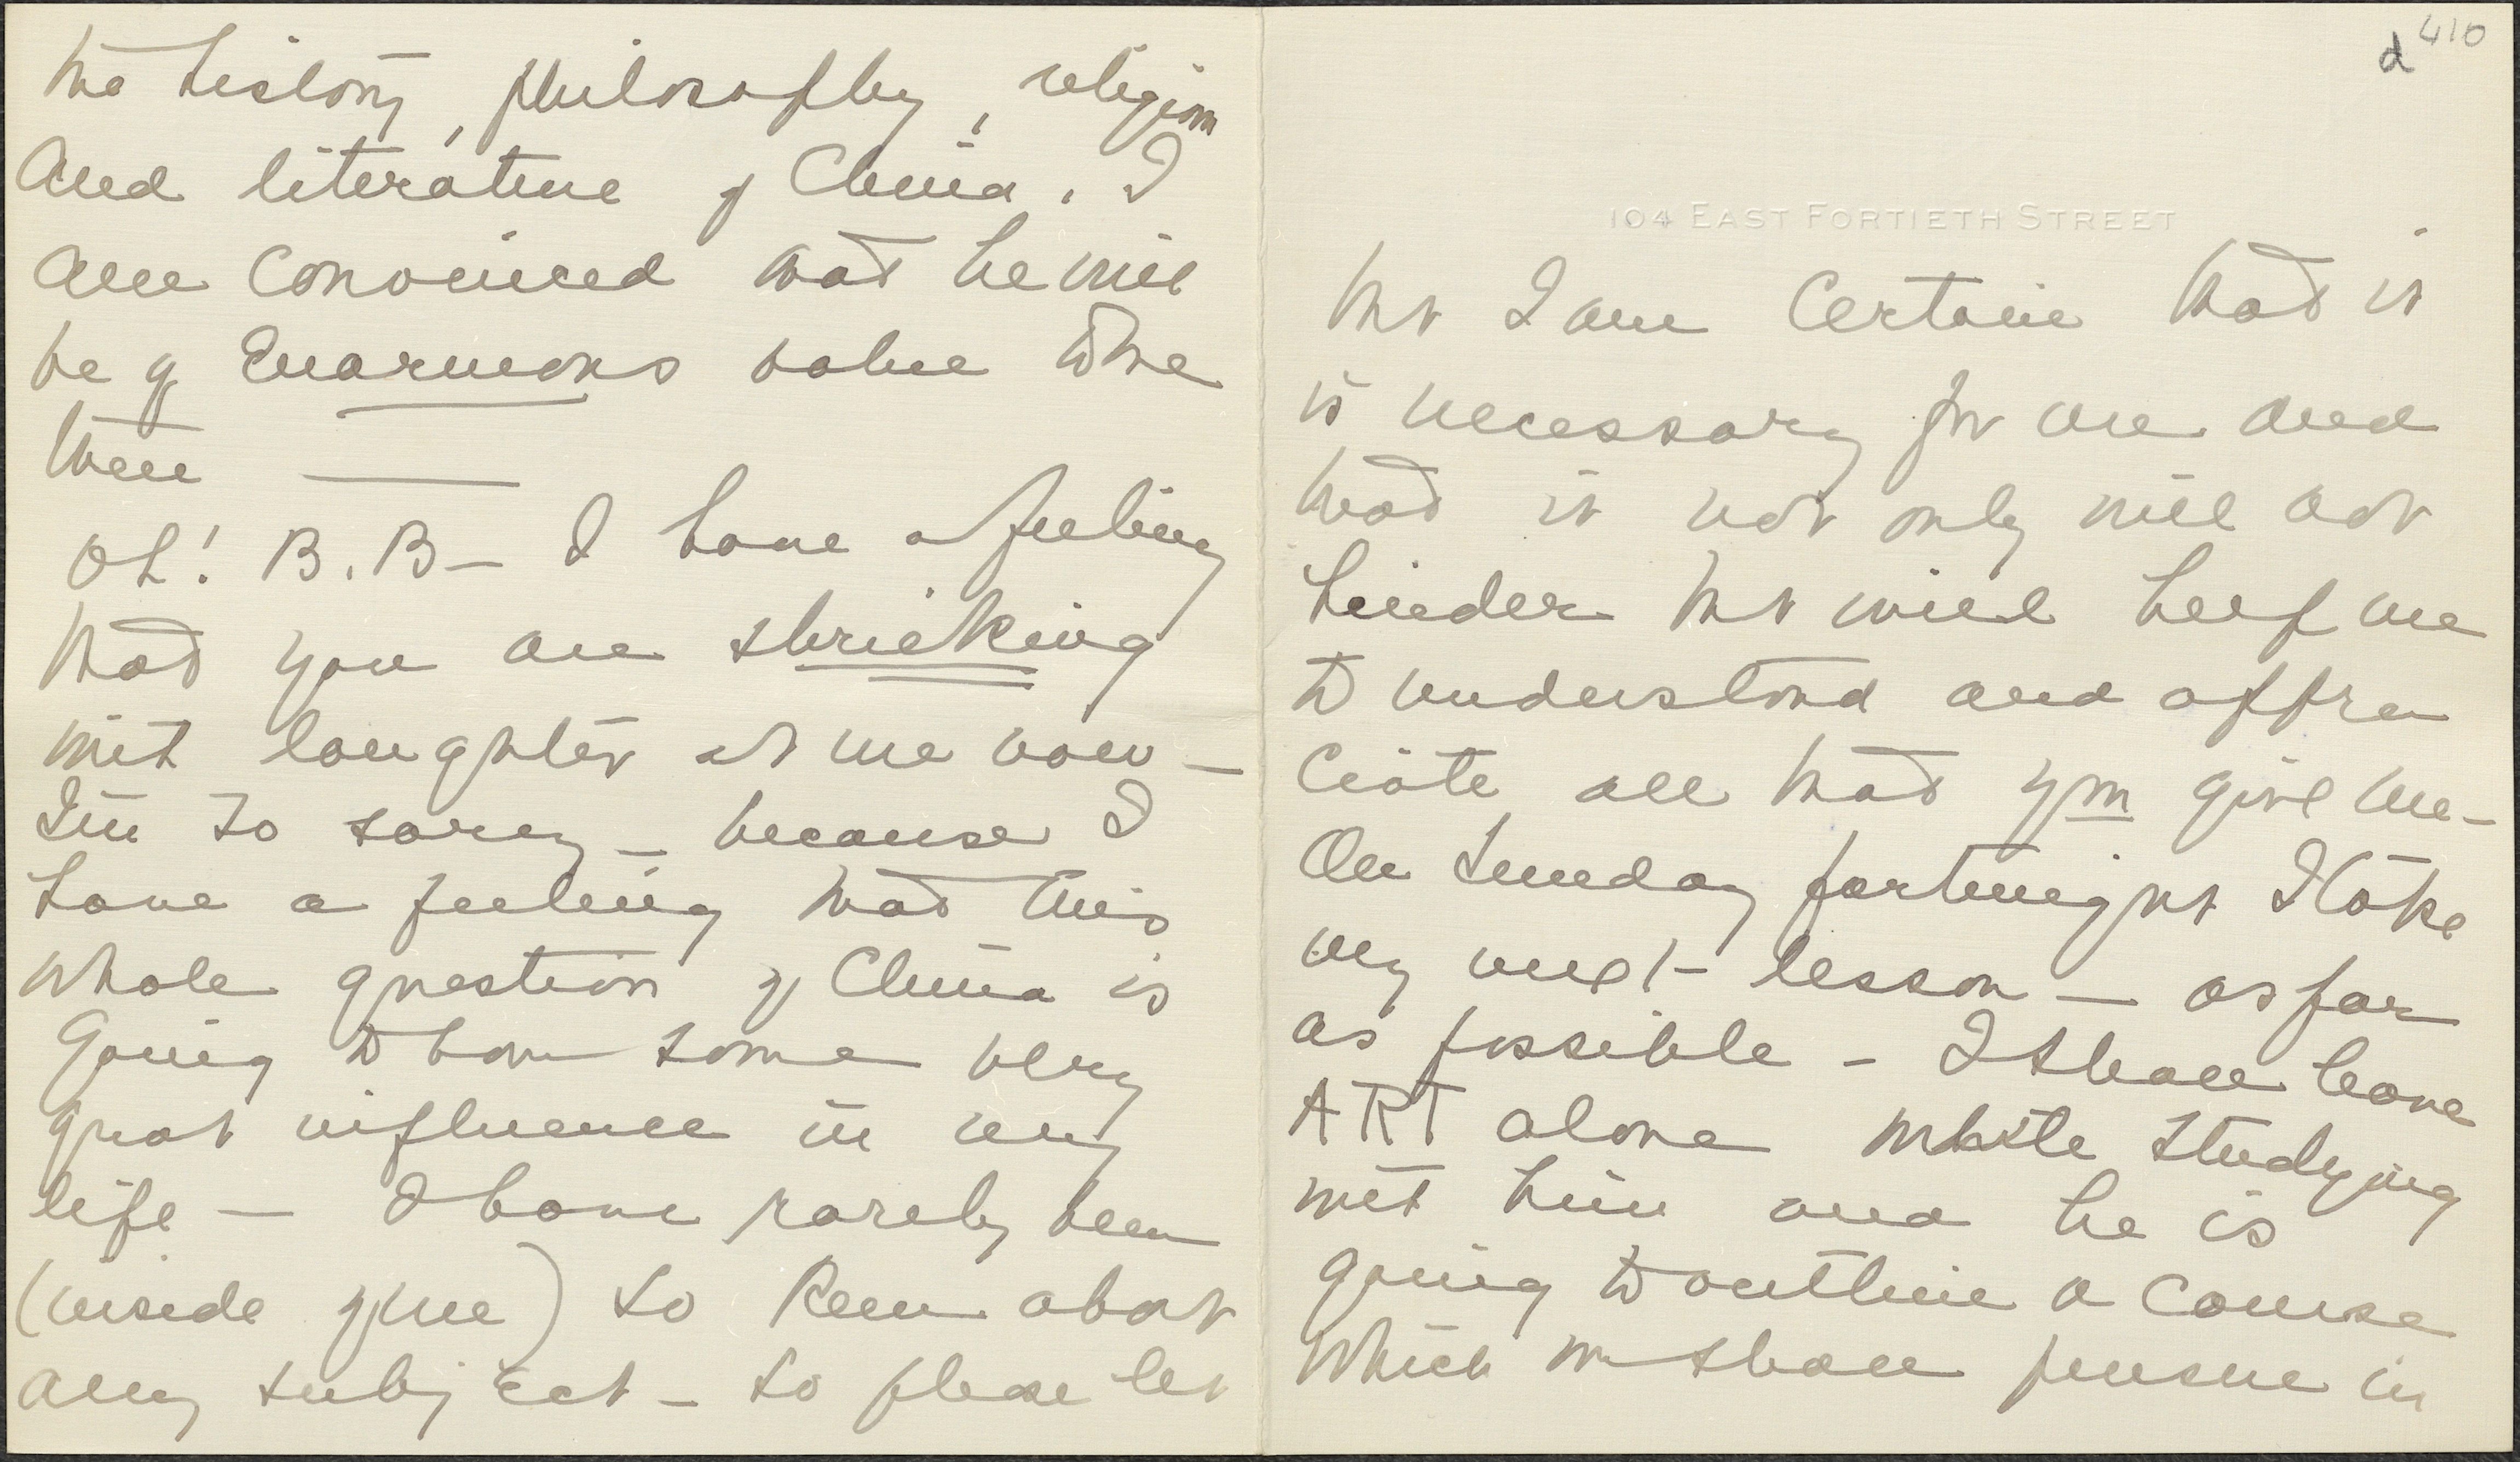but I am certain that it is necessary for me and that it not only will not hinder but will help me to understand and appreciate all that you give me – On Sunday fortnight I take my next lesson – as far as possible – I shall leave ART alone while studying with him and he is going to outline a course which we shall pursue in
the history, philosophy, religion and literature of China. I am convinced that he will be of enormous value to me then –
Oh! B.B. – I have a feeling that you are [double underlined: shrieking] with laughter at me now – I’m so sorry – because I have a feeling that this whole question of China is going to have some very great influence in my life – I have rarely been (inside of me) so keen about any subject – so please let